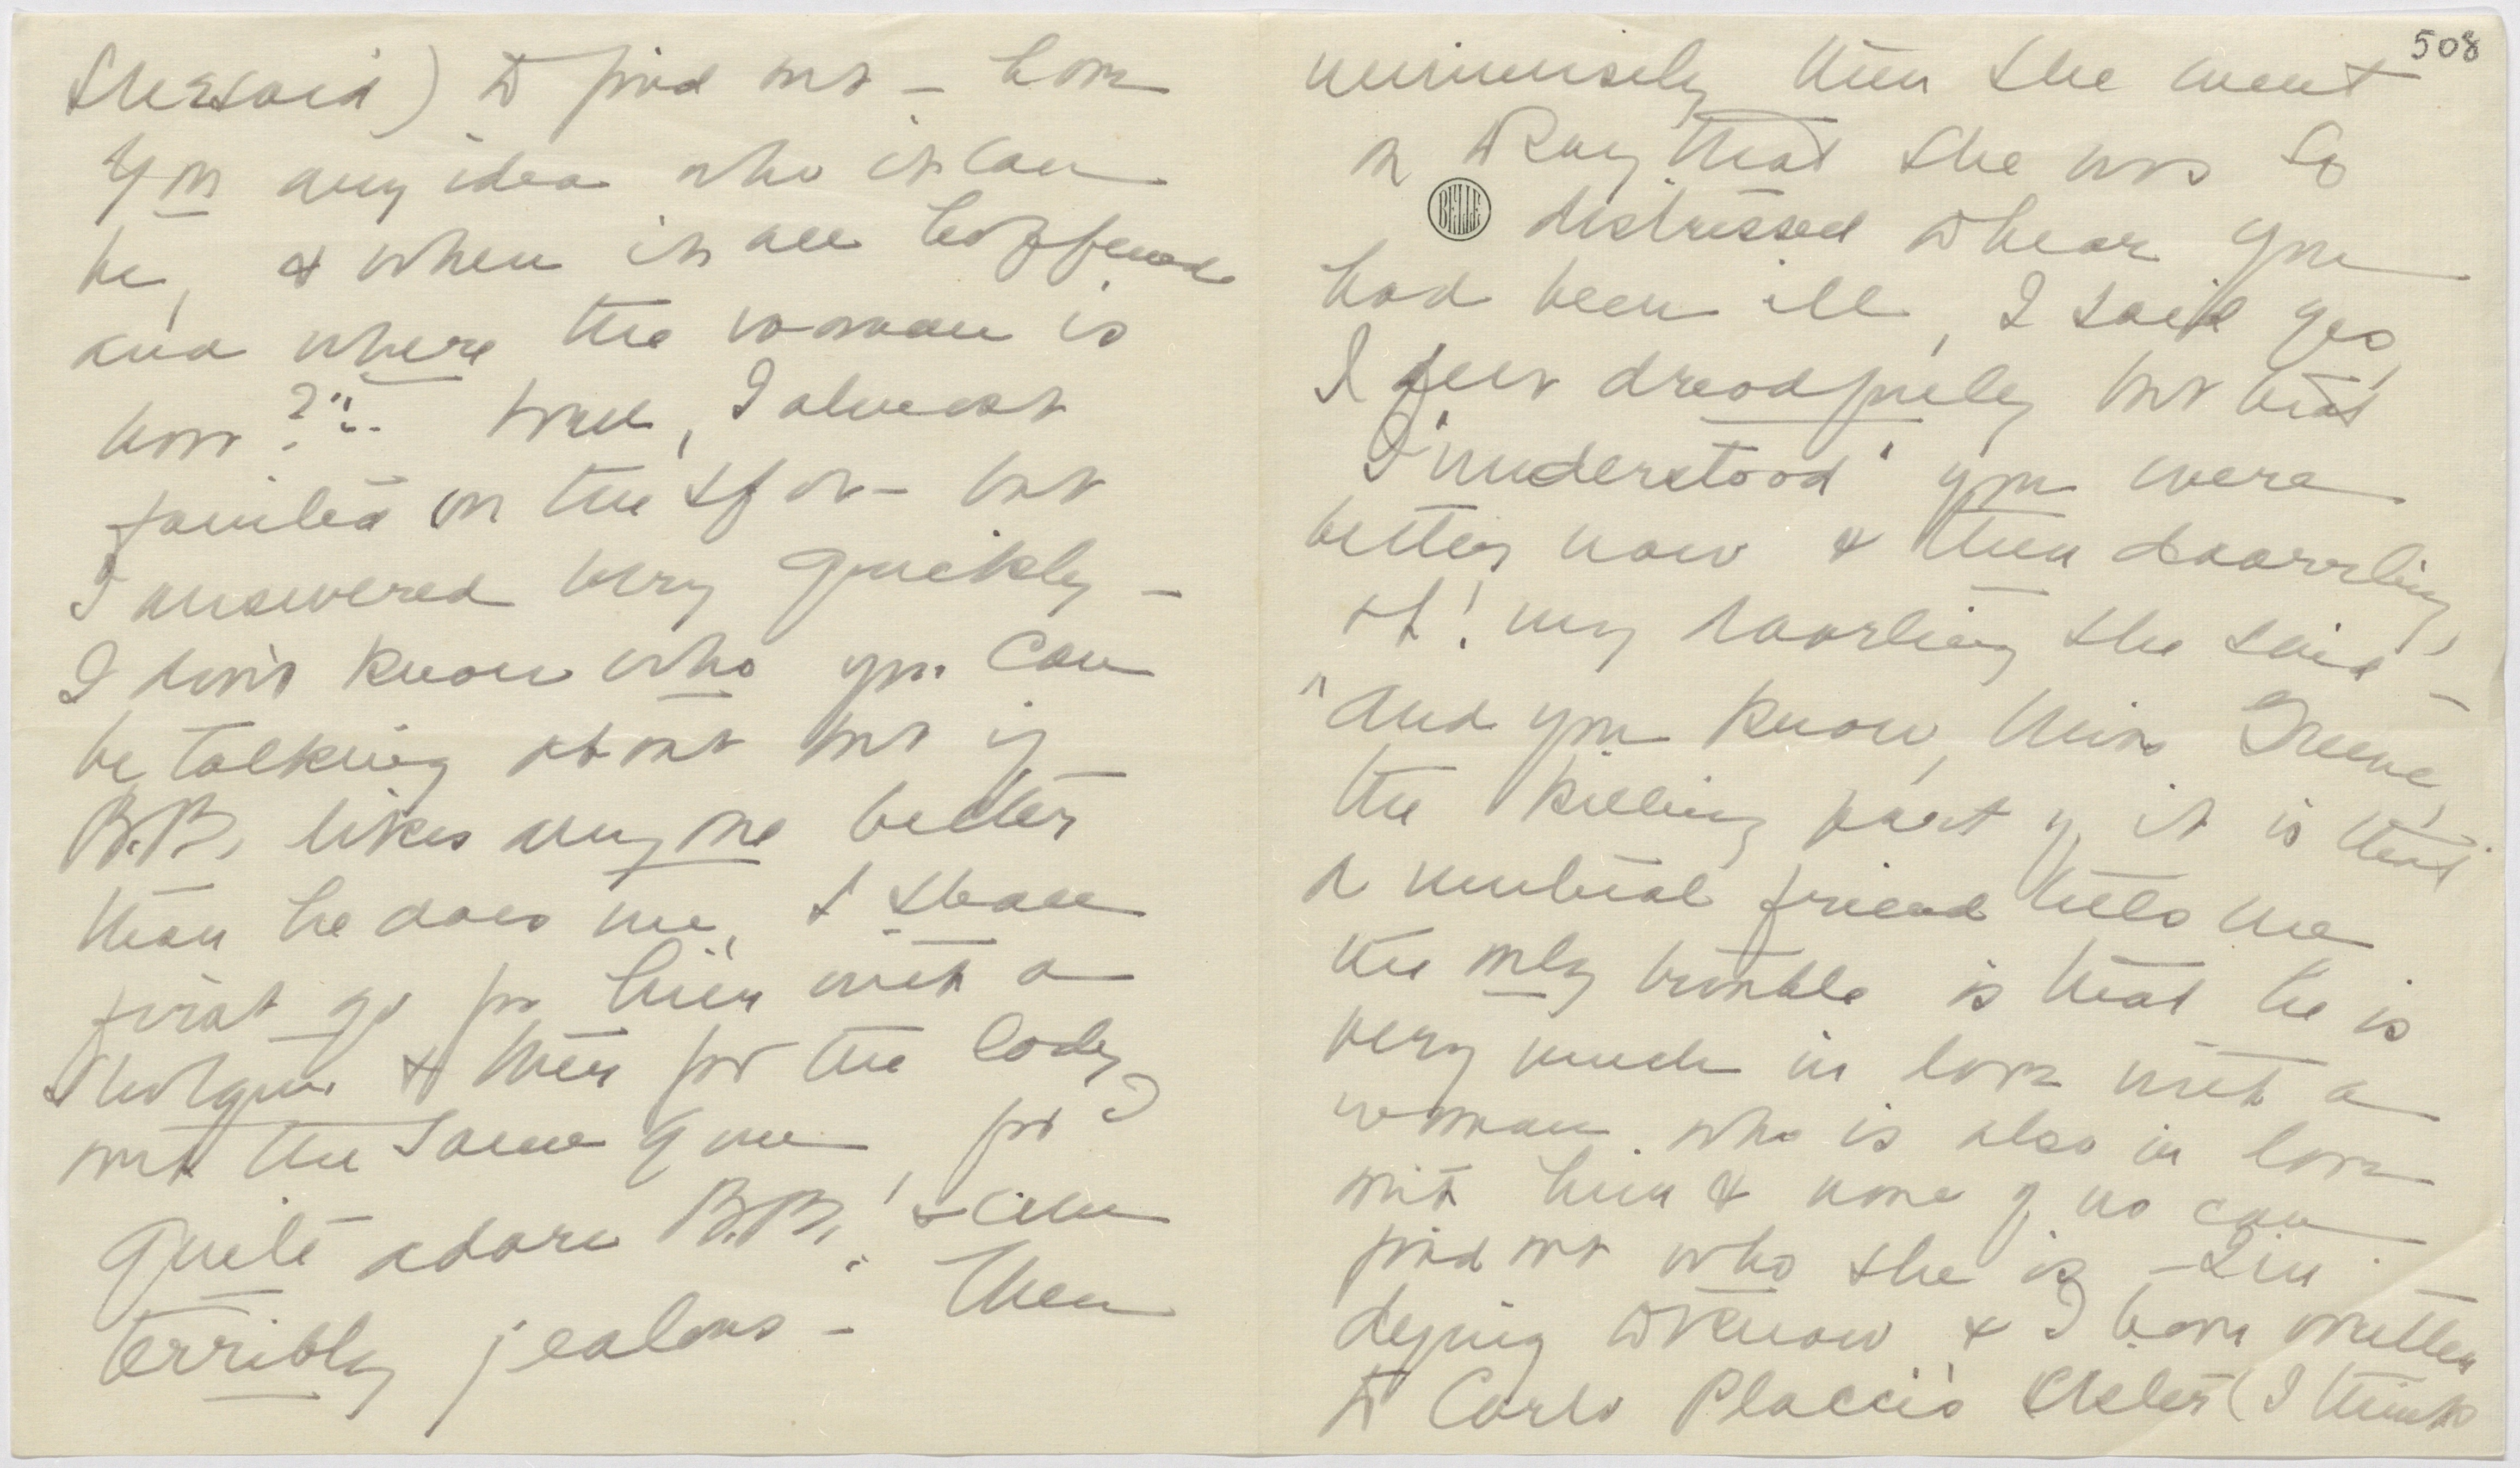immensely then she went on to say that she was so distressed to hear you had been ill, I said yes, I felt dreadfully but that I ‘understood’ you were better now & then daarrling, oh! my daarling she said – “And you know, Miss Greene, the killing part of it is that a mutual friend tells me the only trouble is that he is very much in love with a woman who is also in love with him & none of us can find out who she is – I’m dying to know & I have written to Carlo Placci’s sister (I think
she said) to find out – have you any idea who it can be, & when it all happened and where the woman is now?” – Well, I almost fainted on the spot – but I answered very quickly – I don’t know who you can be talking about but if B.B. likes any one better than he does me, I shall first go for him with a shotgun, & then for the lady with the same gun, for I quite adore B.B. & am terribly jealous” – Then